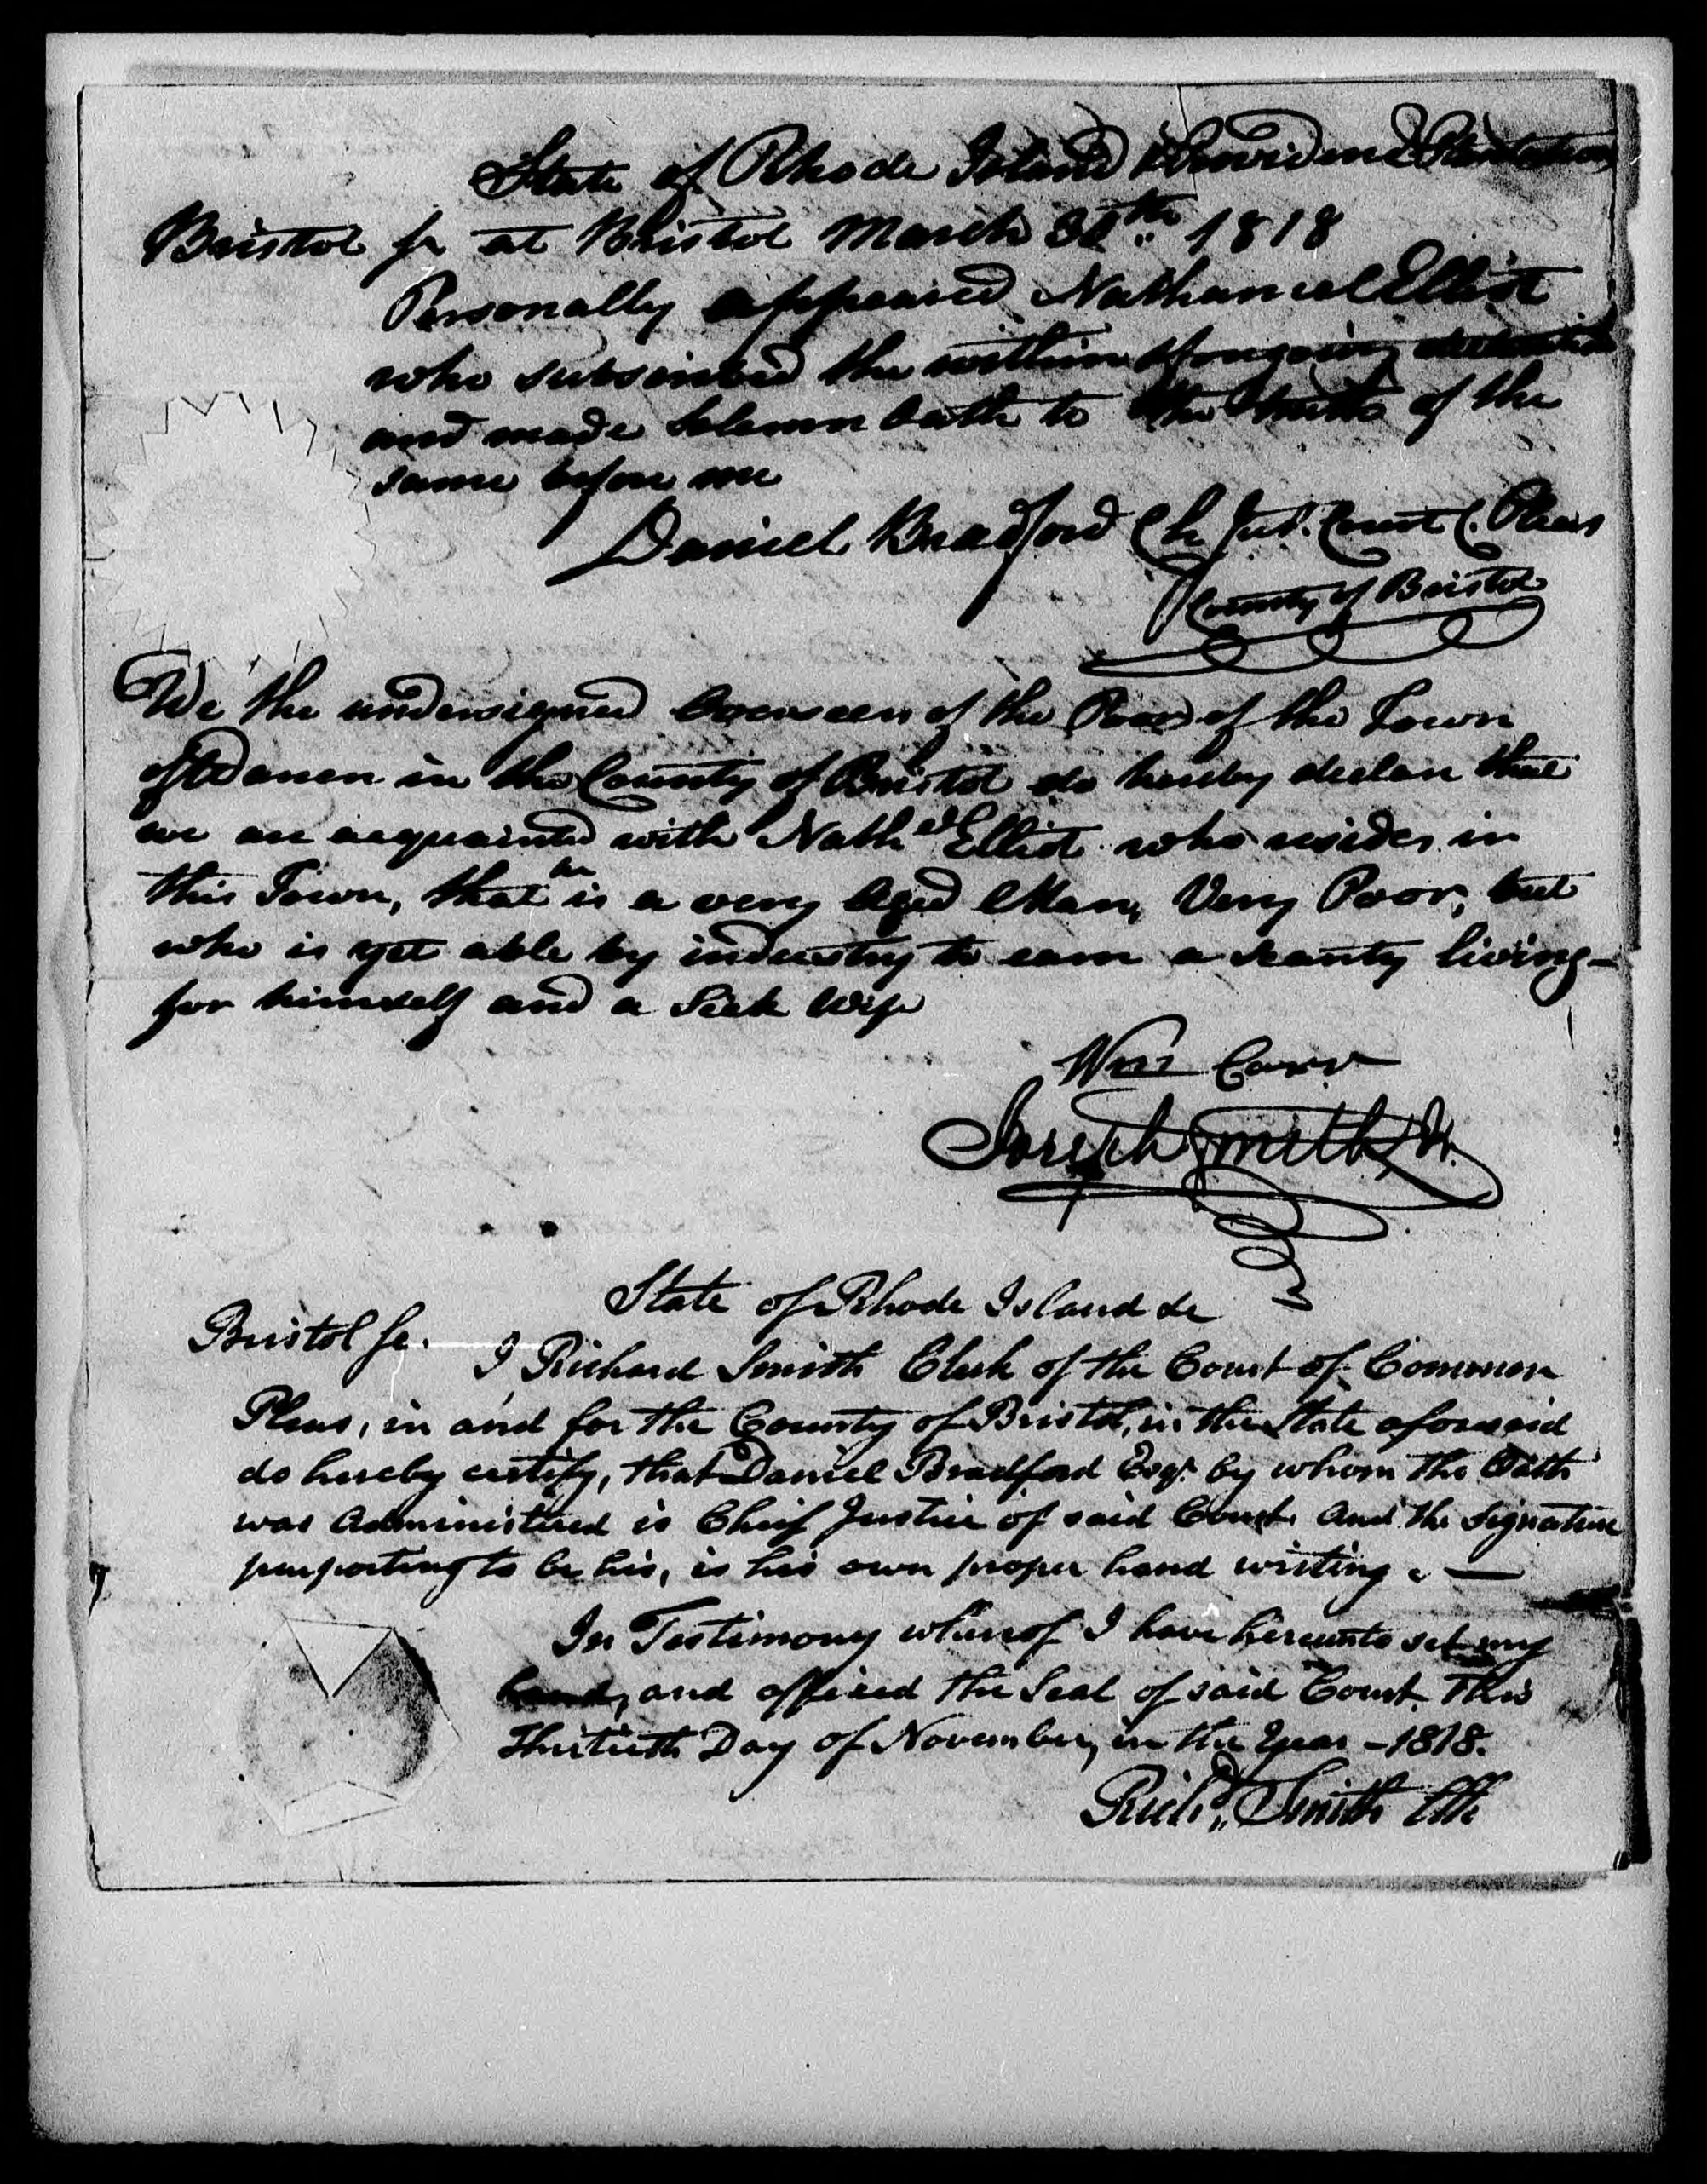State of Rhode Island & Providence Plantations bristol Sd. At Bristol March 30th 1818 Personally appeared Nathaniel Elliot who subscribed the within and foregoing [illegible] and made solemn oath to the truth of the same before me Daniel Bradford Ch Just. Court C. Pleas County of Bristol

We the undersigned [illegible] of the Poor of the Town of Warren in the County of Bristol do hereby declare that we are acquainted with Nathel Elliot who resides in this Town, that he is a very aged Man, Very Poor, but who is yet able by industry to earn a scanty living for himself and a sick wife. Wm. Carr Joseph Smith Jr

State of Rhode Island &c. Bristol Sc. I Richard Smith Clerk of the Court of Common Pleas, in and for the County of Bristol, in the state aforesaid do hereby certify, that daniel Bradford Esqr. by whom the oath was administered is Chief Justice of said Court, and the signature purporting to be his, is his own proper hand writing. In Testimony whereof I have hereunto set my hand, and affixed the seal of said Court. This Thirtieth day of November in the year 1818 Richd. Smith Clk.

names: Wm Carr, Joseph Smith, Richard Smith, Nathal Elliot, Nathaniel Elliot, Daniel Bradford, Daniel Bradford, Richd Smith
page: 22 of 29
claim: survivor's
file: S. 38679, Nathaniel Elliot, Continental R.I.